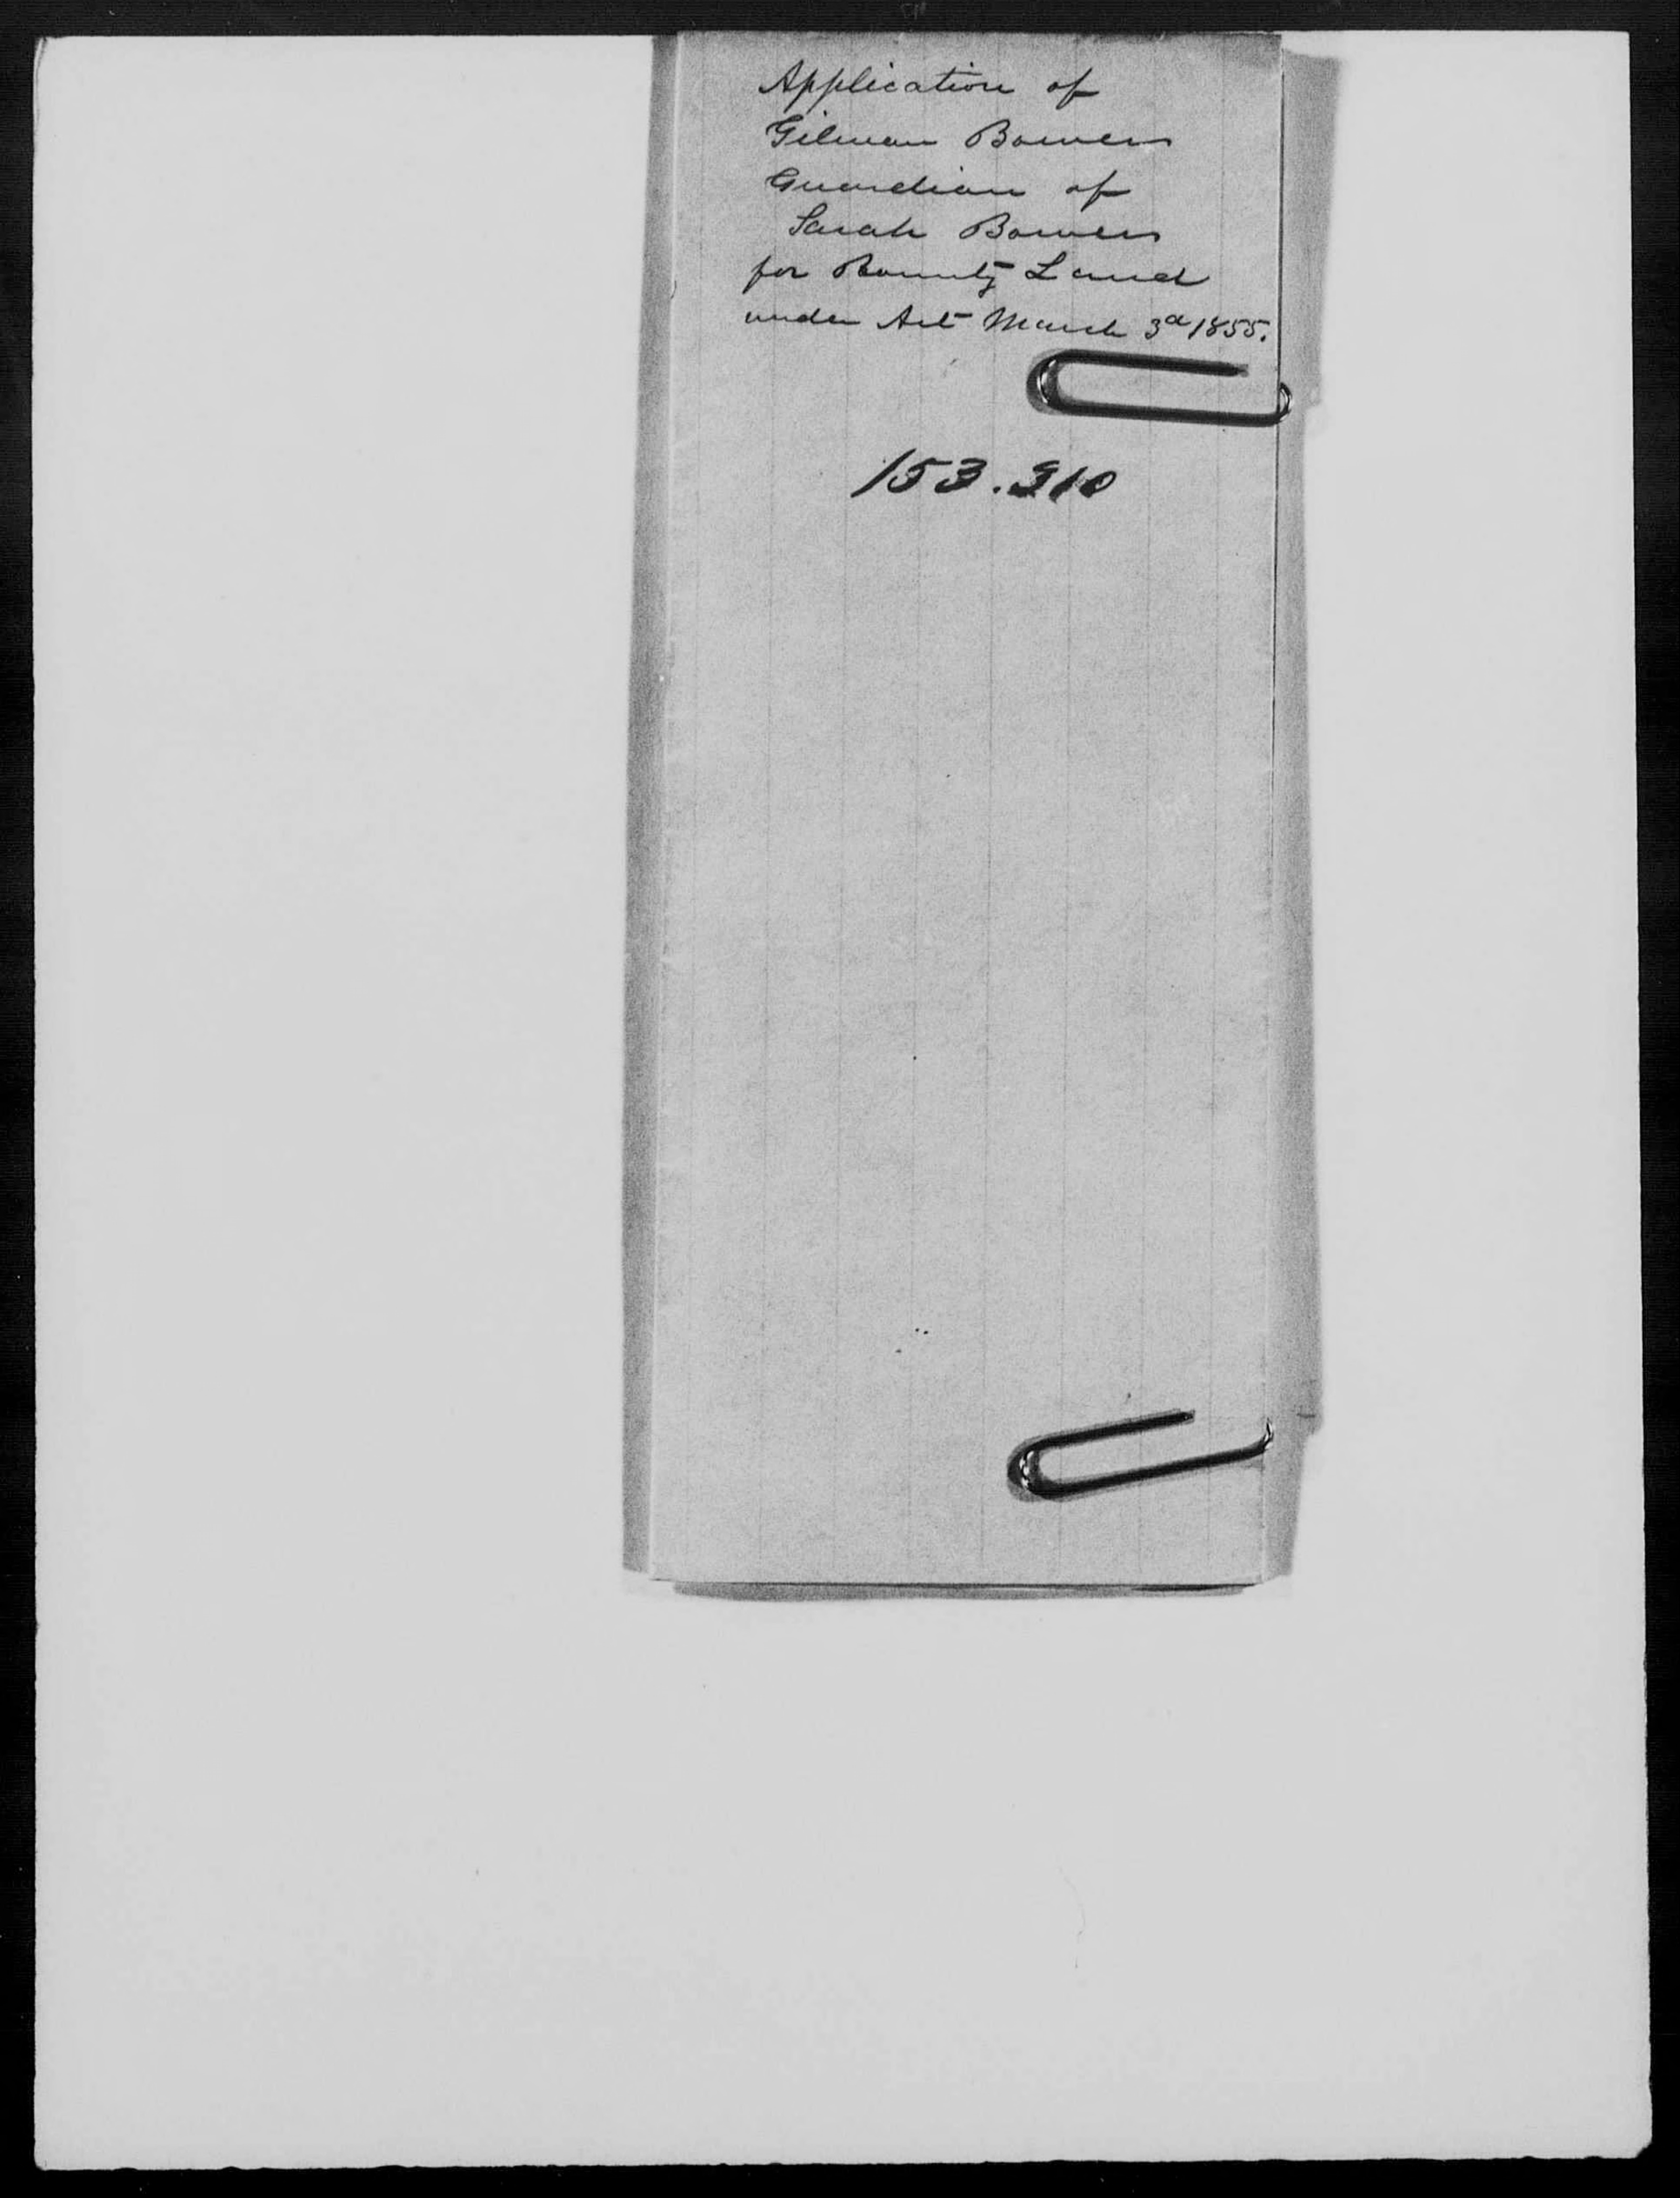Application of Gilman Bowers
Guardian of
Sarah Bowers
for Bounty Land
under Act March 3d 1855.
153.310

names: Sarah Bowers, Gilman Bowers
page: 7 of 42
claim: widow's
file: W. 23,652, Nehemiah Bowers, Mass.